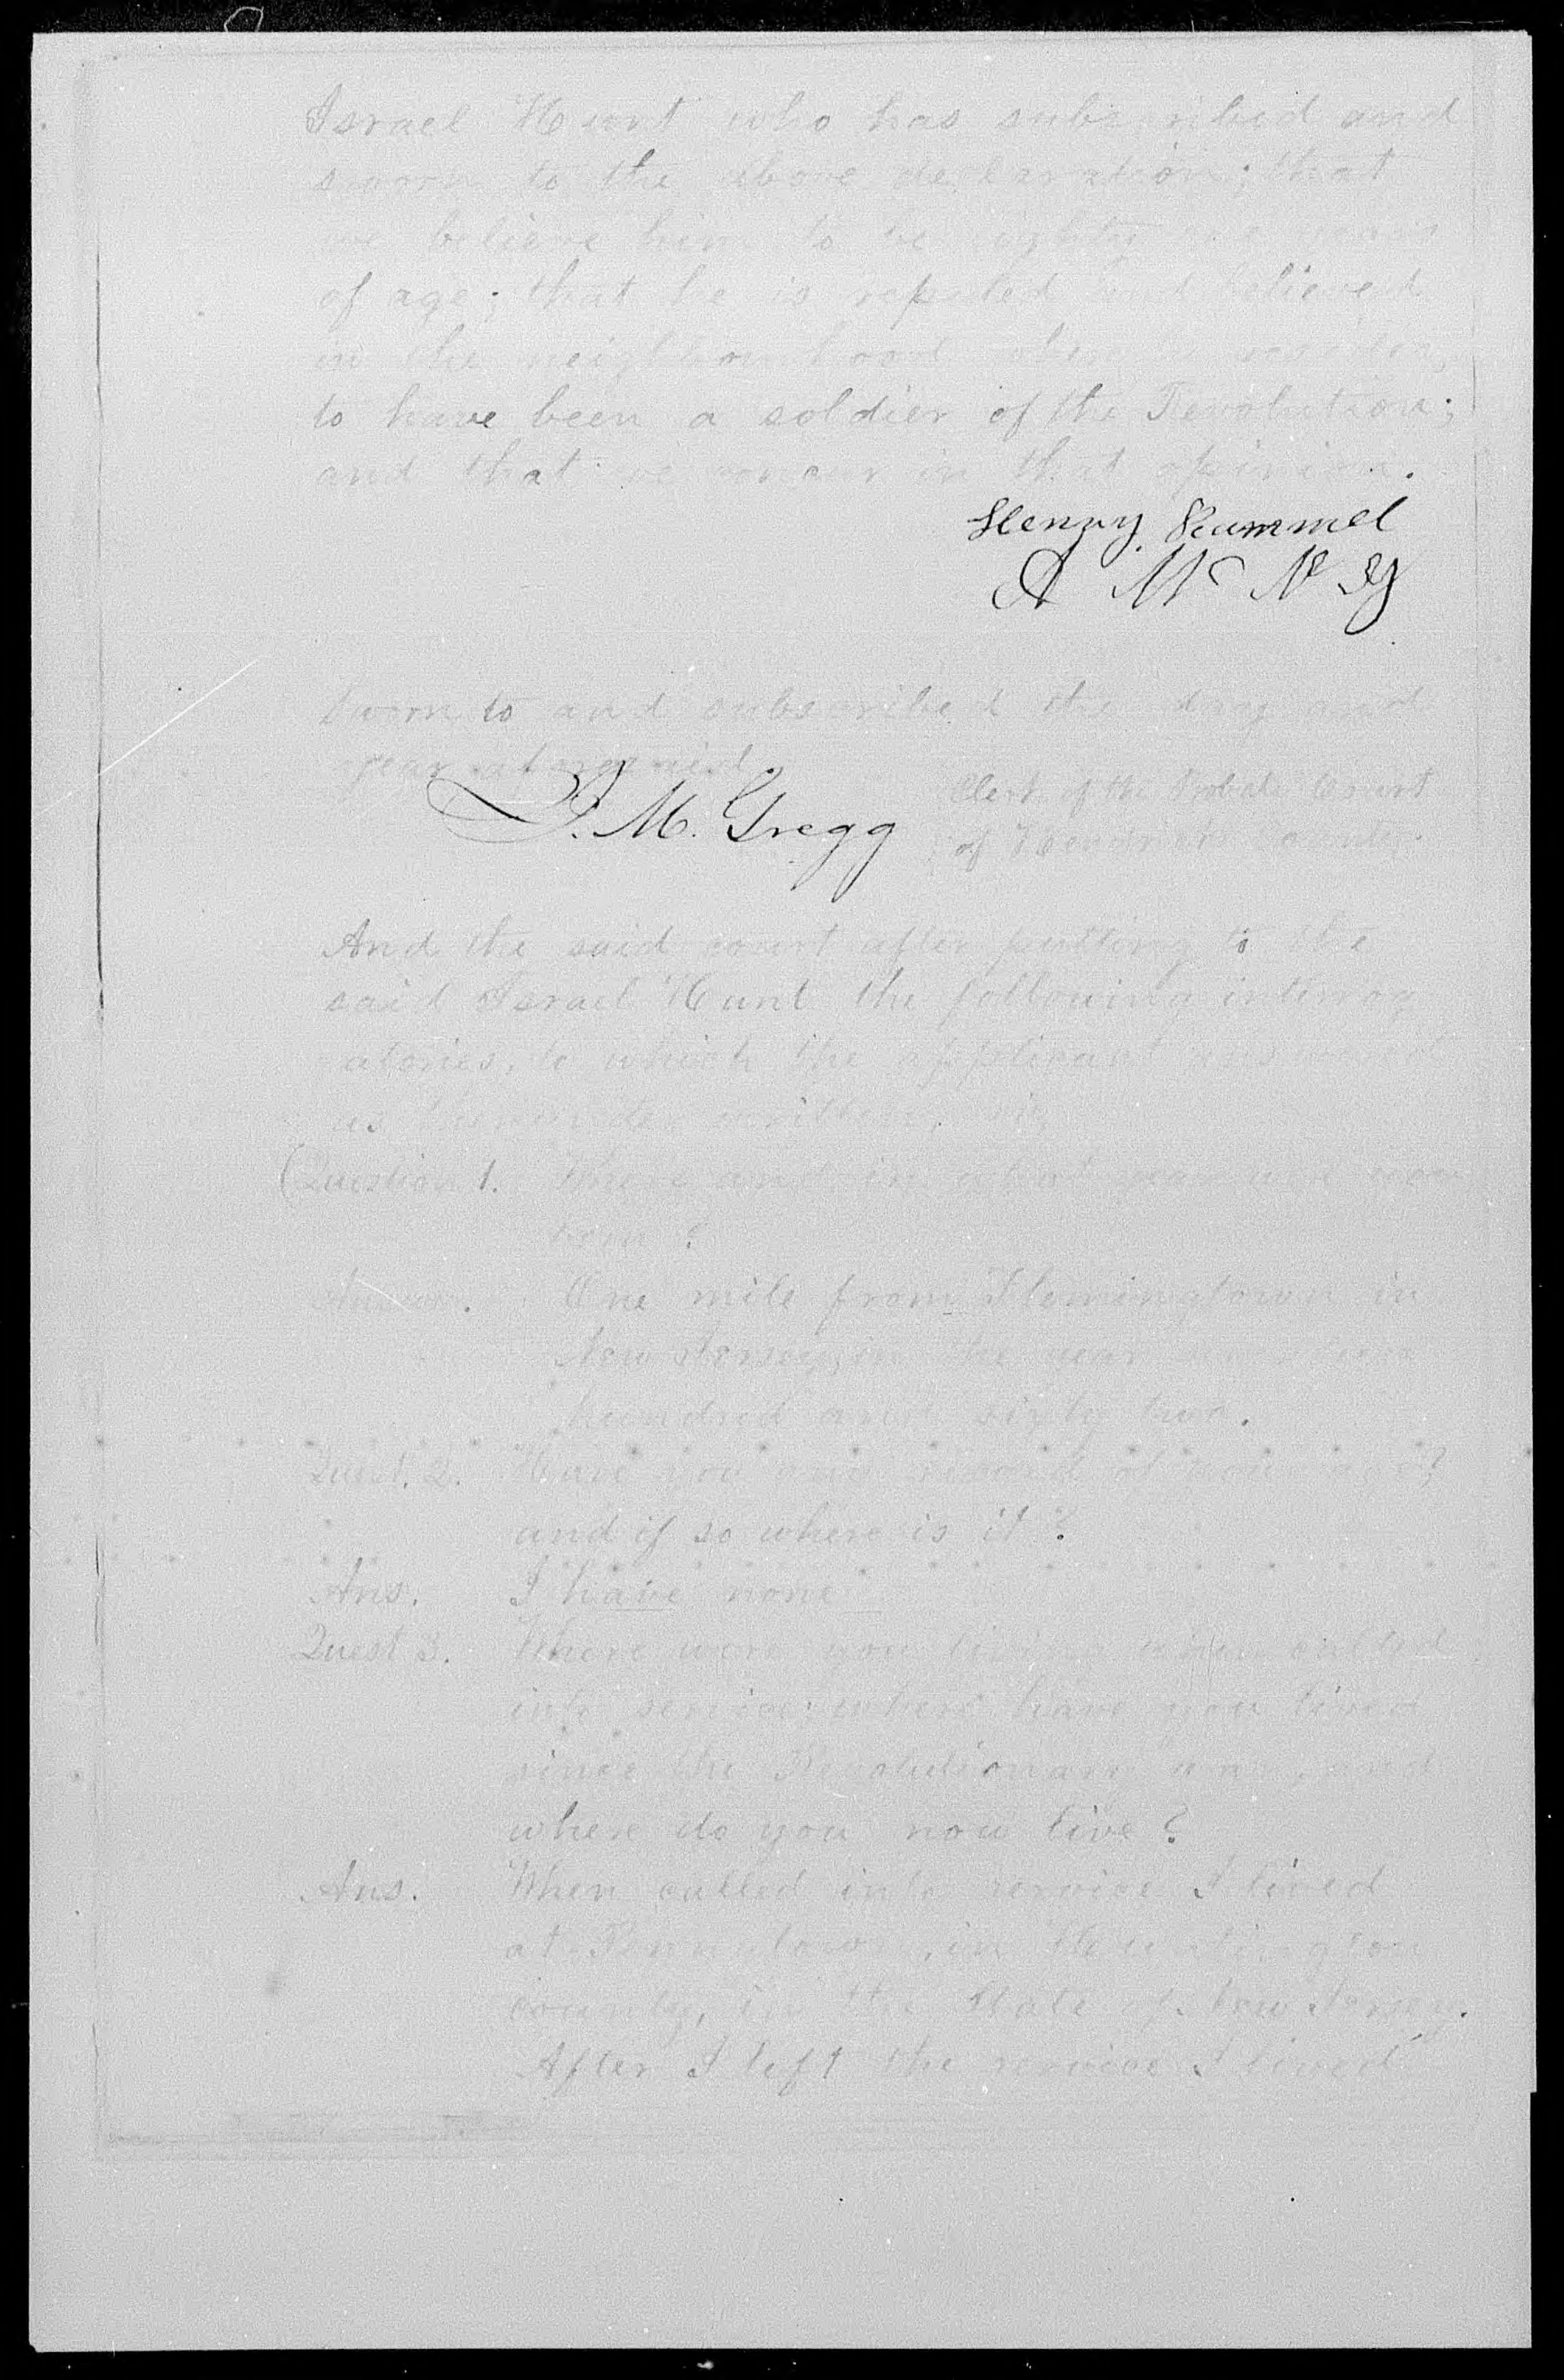Israel Hunt who has subscribed and sworn to the above declaration, that we believe him to be eighty one years of age, that he is reputed and believed in the neighborhood where he resides to have been a soldier of the Revolution and that we concur in that opinion.
Henry Scammel
A. McVey

Sworn to and subscribed the day and year aforesaid.
J. M. Gregg
Clerk of the Probate Court of Hendrick County

And the said court after putting to the said Israel Hunt the following interrogatories which the applicant [illegible]
Question 1.  Where and in what year were you born?
One mile from Flemington in New Jersey in the year seventeen hundred and sixty two.  

Quest. 2.  Have you any record of your age, and if so, where is it? 
I have none.

Quest. 3  Where were you living when called into service; where have you lived since the Revolutionary war and where do you now live?
When called into service I lived at Pennytown, in Huntington County, in the state of New Jersey.  After I left the service, I lived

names: J M Gregg; Israel Hunt; Henry Scammel; Isarel Hunt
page: 9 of 18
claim: rejected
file: R. 5393, for Israel Hunt, New Jersey